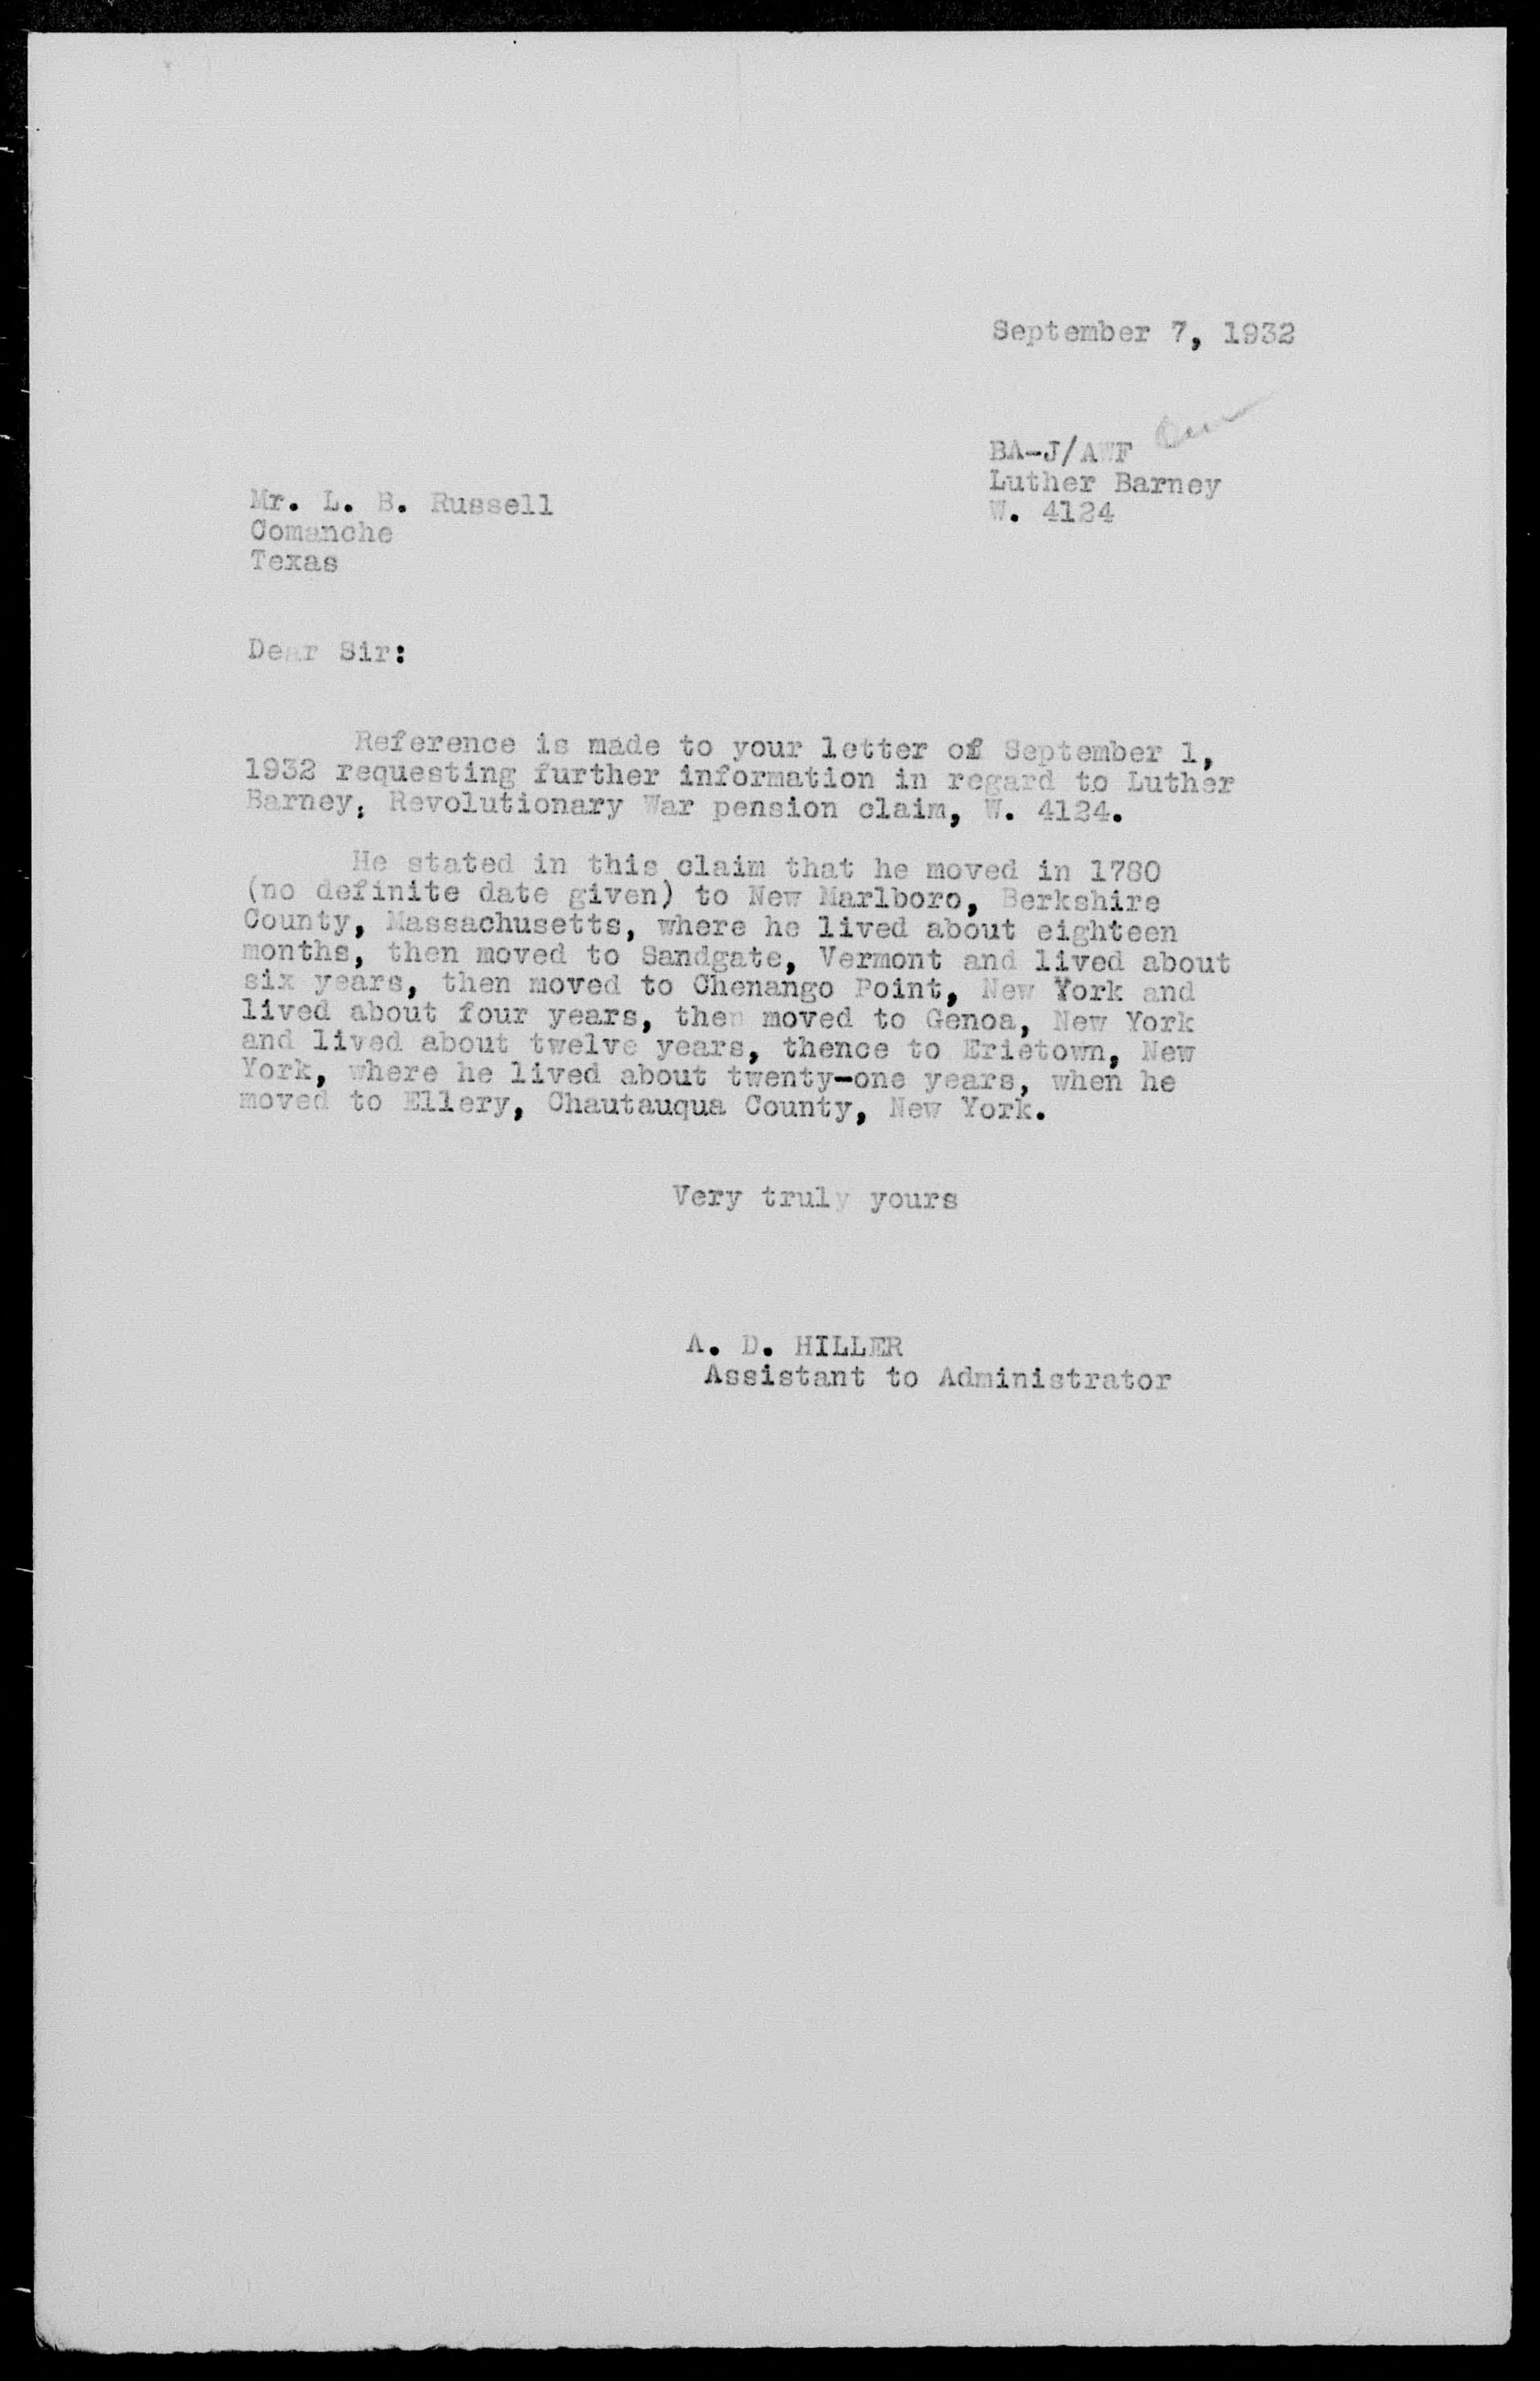September 7, 1932
BA-J/ANT
Luther Barney
W. 4124

Mr. L. B. Russell
Comanche
Texas

Dear Sir:

Reference is made to your letter of September 1, 1932 requesting further information in regard to Luther Barney, Revolutionary War pension claim, W. 4134.

He stated in this claim that he moved in 1780 (no definite date given) to New Marlboro, Berkshire County, Massachusetts, where he lived about eighteen months, then moved to Sandgate, Vermont and lived about six years, then moved to Chenango Point, New York and lived about four years, then moved to Genoa, New York and lived about twelve years, thence to Erietown, New York, where he lived about twenty-one years, when he moved to Ellery, Chautauqua County, New York.

Very truly yours
A. D. HILLER
Assistant to Administrator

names: L B Russell, A D Hiller, Luther Barney, Luther Barney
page: 59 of 61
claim: widow's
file: W. 4.124, Luther Barney, Conn. Privateer.